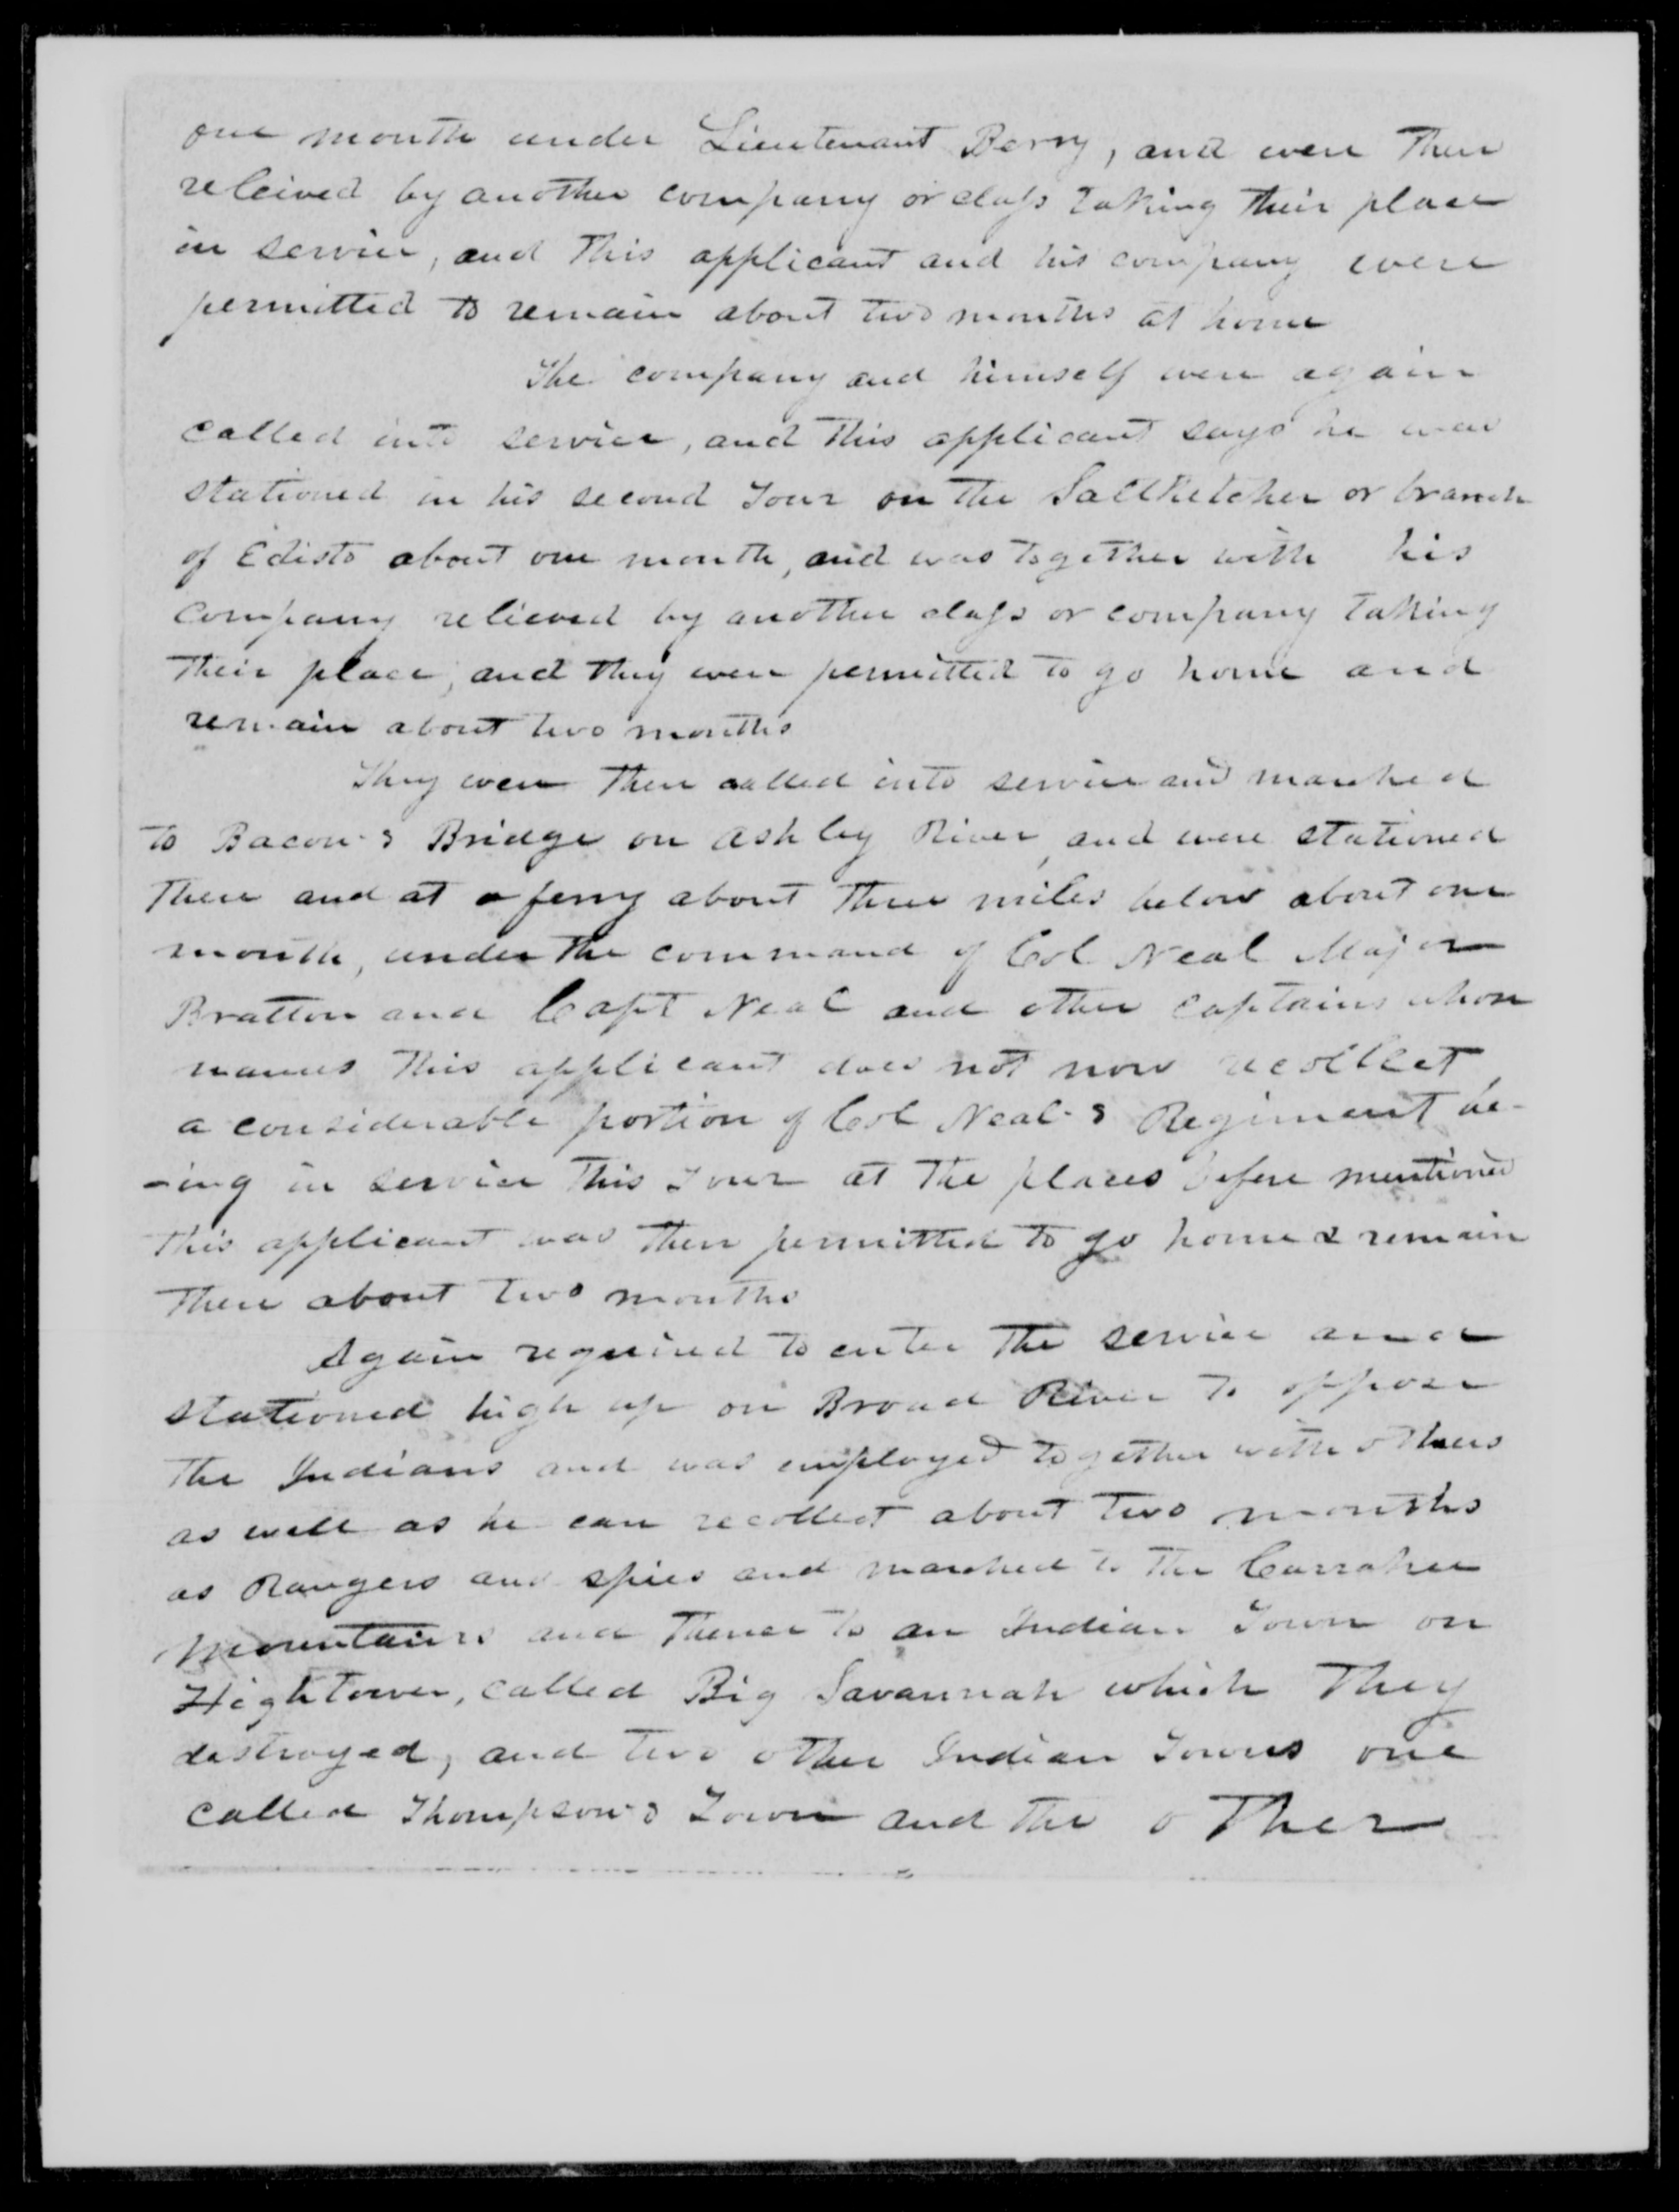one month under Lieutenant Berry, and even then relieved by another company or class taking their place in service, and this applicant and his company were permitted to remain about two months at home
The company and himself were again
called into service, and this applicant says he was stationed in his second tour on the Saltketcher or branch of Edisto about one month, and was together with his company relieved by another class or company taking
their place, and they were permitted to go home and remain about two months
They were then called into service and marched
to Bacon's Bridge on Ashley River and were stationed there and at a ferry about three miles below about one month, under the command of Col Neal, Major Bratton, and Capt Neal and other captains whose names this applicant does not now recollect. a considerable portion of Col Neal Regiment being in service this tour at the places before mentioned this applicant was then permitted to go home & remain there about two months
Again required to enter the service and
stationed high up on Broad River to oppose
the Indians and was employed together with others as well as he can recollect about two months as Rangers and spies and marched to the Currahee mountains and thence to an Indian Town on Hightower, called Big Savannah which they destroyed, and two other Indian Towns one
called Thompson Town and the other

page: 3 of 16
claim: rejected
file: R. 10561, for William Thompson, South Carolina